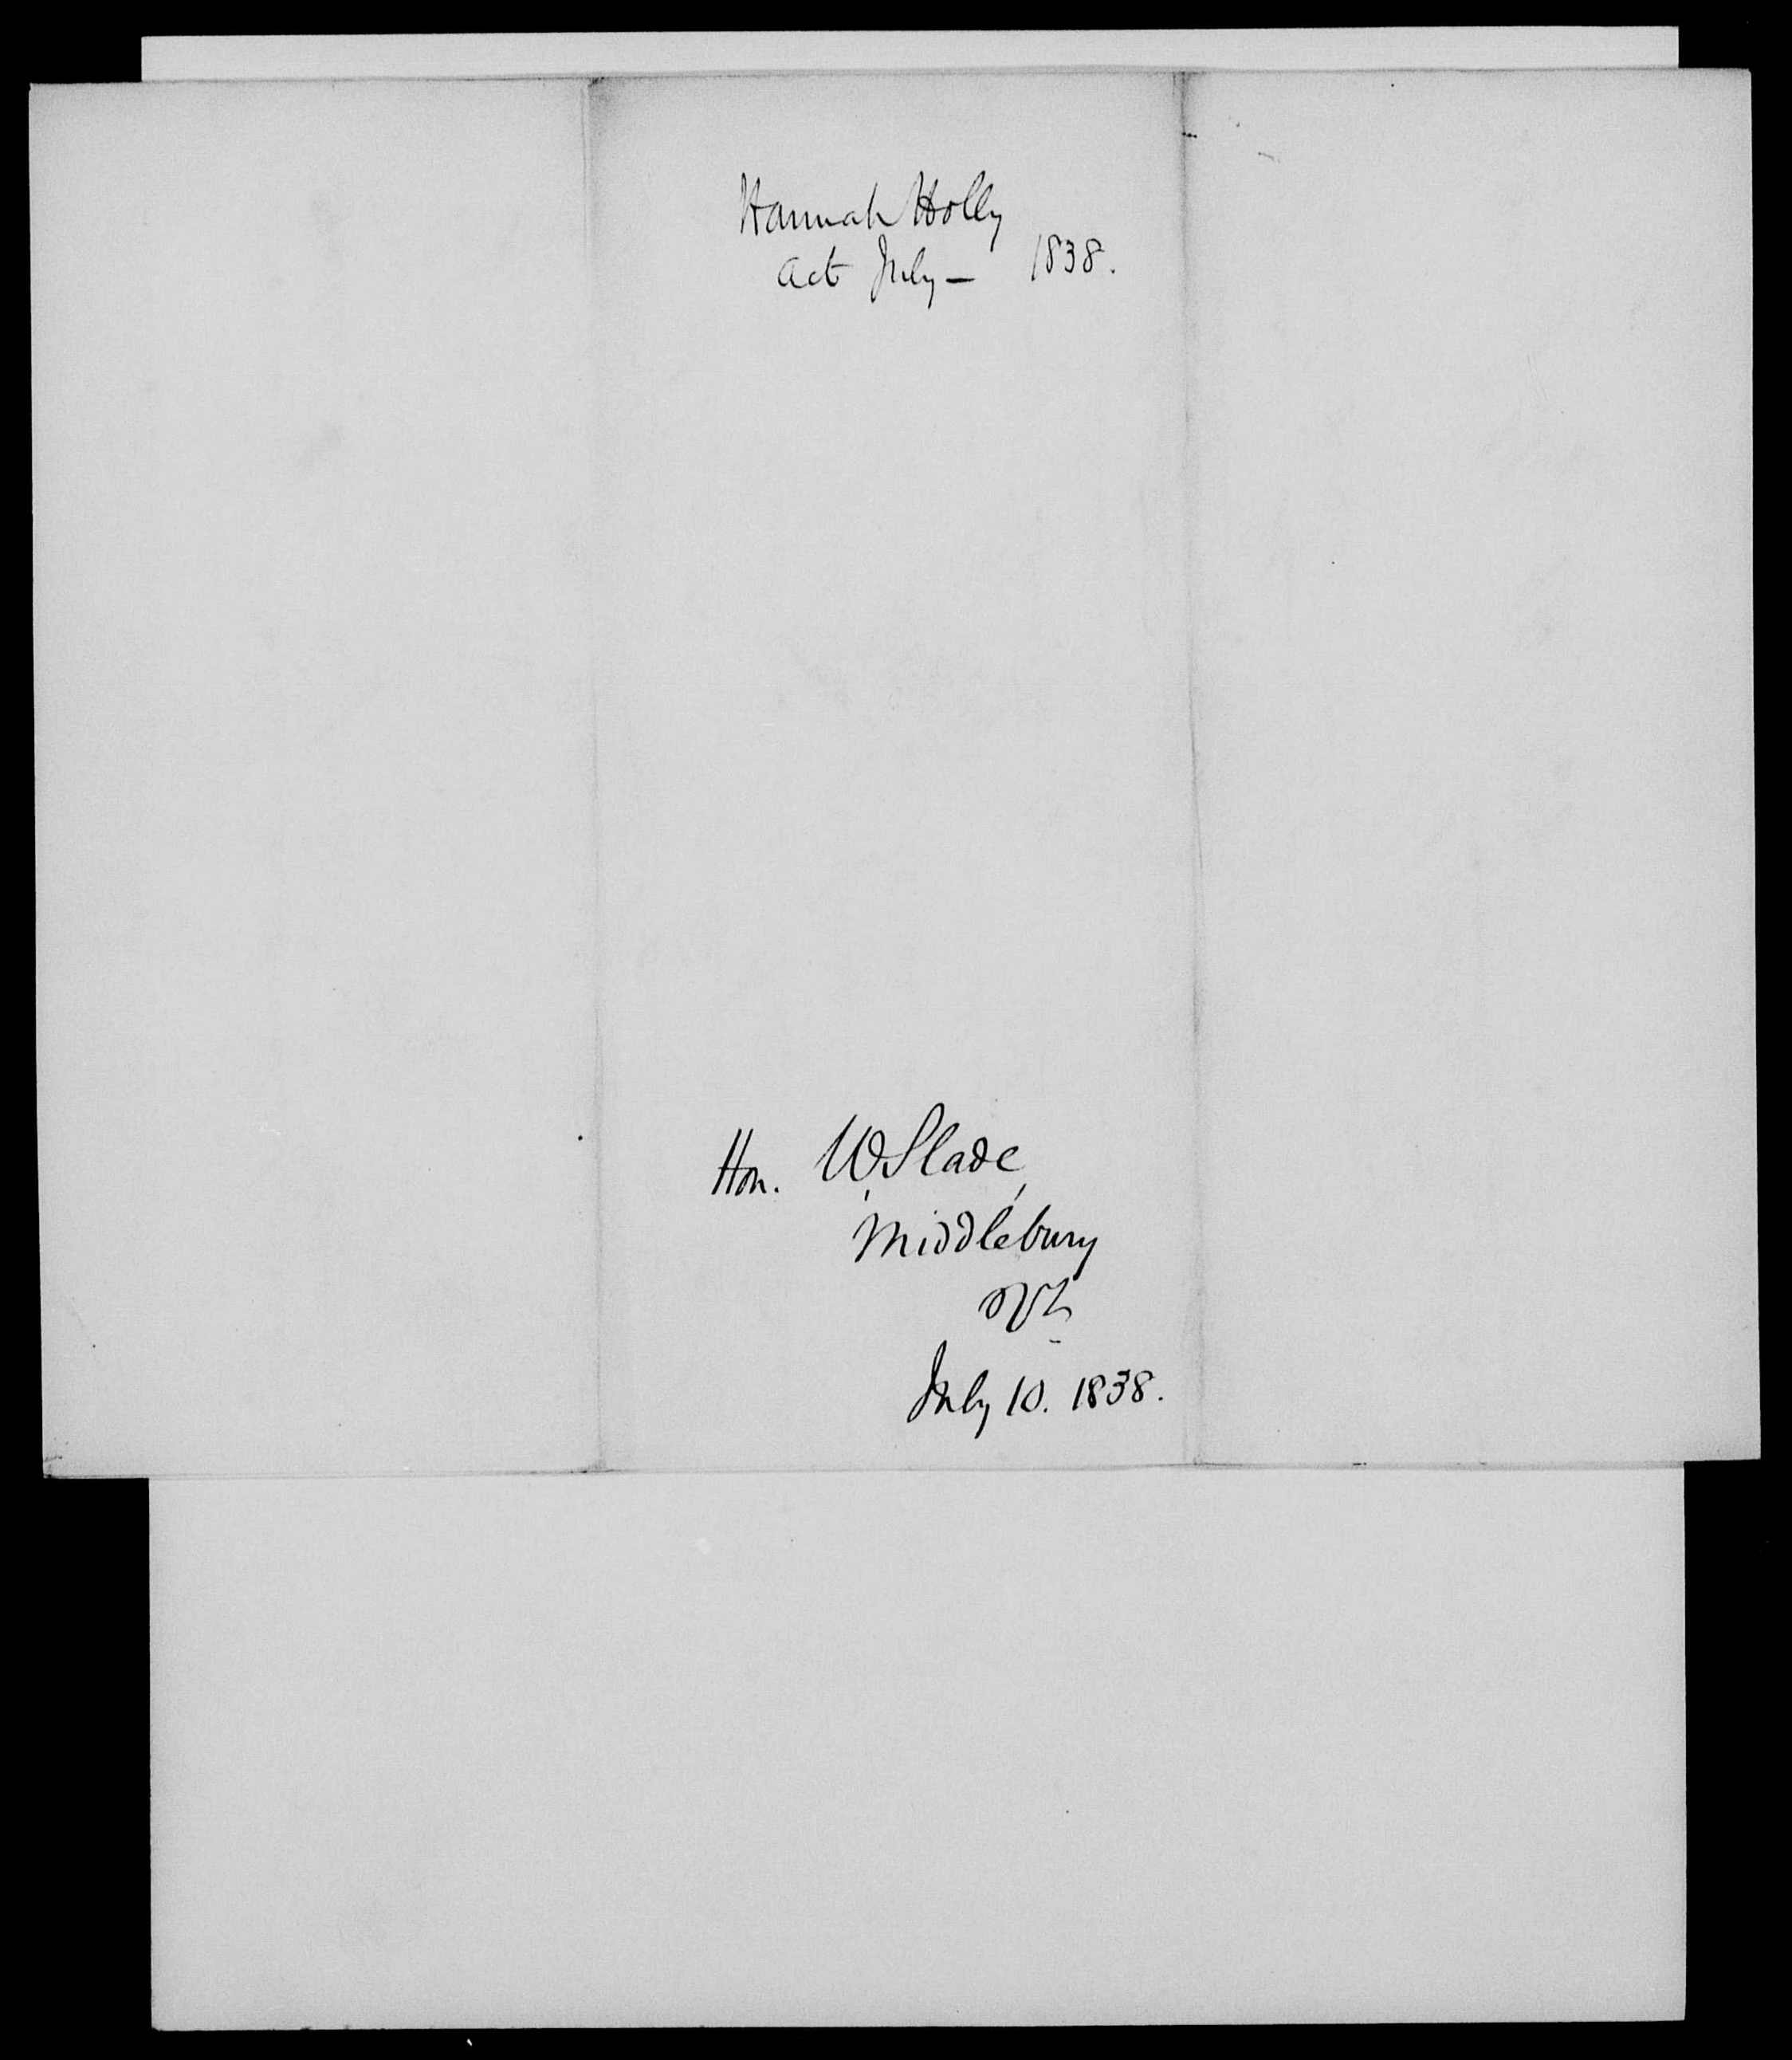Hannah Holey
Act July -1838

Hon W Slade
Middlebury
Vt
July 10. 1838.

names: W Slade, Hannah Holly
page: 25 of 62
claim: widow's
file: W. 21391, Robert Holley, Conn.